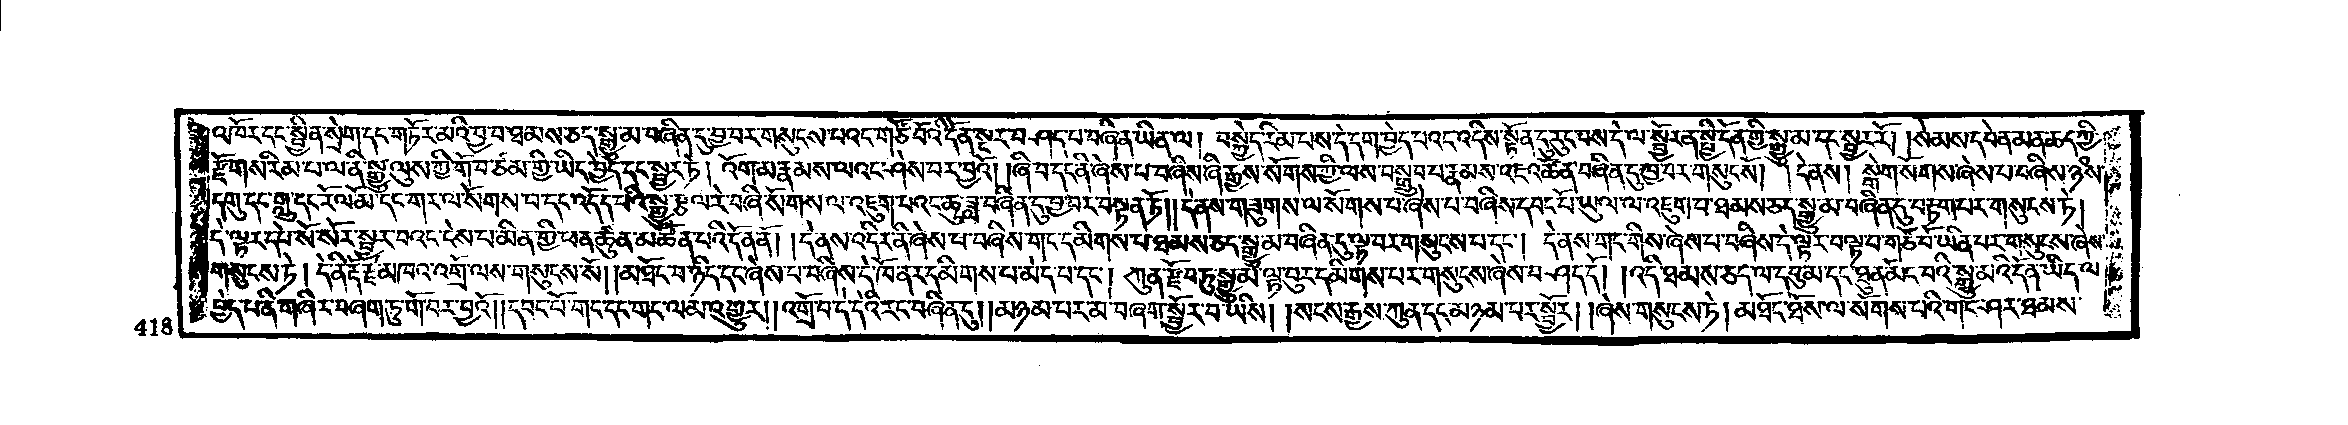འཁོར་དང་སྦྱིན་སྲེག་དང་གཏོར་མའི་བྱ་བ་ཐམས་ཅད་སྒྱུ་མ་བཞིན་དུ་བྱ་བར་གསུངས་པའང་གཙོ་བོའི་དོན་སྔར་བཤད་པ་བཞིན་ཡིན་ལ། བསྐྱེད་རིམ་པས་དེ་དག་བྱེད་པའང་འདིས་སྟོན་དུ་རུང་བས་དེ་ལ་སྦྱོར་ན་སྤྱི་དོན་གྱི་སྒྱུ་མ་དང་སྦྱར་རོ། །སེམས་དབེན་མན་ཆད་ཀྱི་
རྫོགས་རིམ་པ་ལ་ནི་སྒྱུ་ལུས་ཀྱི་གོ་བ་ཙམ་གྱི་ཡིད་བྱེད་དང་སྦྱར་ཏེ། འོག་མ་རྣམས་ལའང་ཤེས་པར་བྱའོ། །ཞི་བ་དང་ནི་ཞེས་པ་བཞིས་ཞི་རྒྱས་སོགས་ཀྱི་ལས་བསྒྲུབ་པ་རྣམས་འཇའ་ཚོན་བཞིན་དུ་བྱ་བར་གསུངས་སོ། །དེ་ནས། སྒེག་སོགས་ཞེས་པ་བཞིས་ཉཾས་
དགུ་དང་གླུ་དང་རོལ་མོ་དང་གར་ལ་སོགས་པ་དང་འདོད་པའི་སྒྱུ་རྩལ་རེ་བཞི་སོགས་ལ་འཇུག་པའང་ཆུ་ཟླ་བཞིན་དུ་བྱ་བར་བསྟན་ཏོ། །དེ་ནས་གཟུགས་ལ་སོགས་པ་ཞེས་པ་བཞིས་དབང་པོ་ཡུལ་ལ་འཇུག་པ་ཐམས་ཅད་སྒྱུ་མ་བཞིན་དུ་བརྟག་པར་གསུངས་ཏེ།
དེ་ལྟར་དཔེ་སོ་སོར་སྦྱར་བའང་ངེས་པ་མིན་གྱི་ཕན་ཚུན་མཚོན་པའི་དོན་ནོ། །དེ་ནས་འདིར་ནི་ཞེས་པ་བཞིས་གང་དམིགས་པ་ཐམས་ཅད་སྒྱུ་མ་བཞིན་དུ་ལྟ་བར་གསུངས་པ་དང་། དེ་ནས་གང་གིས་ཞེས་པ་བཞིས་དེ་ལྟར་བལྟ་བ་གཙོ་བོ་ཡིན་པར་གསུངས་ཞེས་
གསུངས་ཏེ། དེ་ནི་རྡོ་རྗེ་མཁའ་འགྲོ་ལས་གསུངས་སོ། །མཐོང་བ་ཉིད་དང་ཞེས་པ་བཞིས་དེ་ཁོ་ནར་དམིགས་པ་མེད་པ་དང་། ཀུན་རྫོབ་ཏུ་སྒྱུ་མ་ལྟ་བུར་དམིགས་པར་གསུངས་ཞེས་བཤད་དོ། །འདི་ཐམས་ཅད་ལ་དབུ་མ་དང་ཐུན་མོང་བའི་སྒྱུ་མའི་དོན་ཡིད་ལ་
བྱེད་པ་ནི་གཞིར་བཞག་ཏུ་གོ་བར་བྱའོ། །དབང་པོ་གང་དང་གང་ལམ་འགྱུར། །འགྲོ་བ་དེ་དེའི་རང་བཞིན་དུ། །མཉམ་པར་མ་བཞག་སྦྱོར་བ་ཡིས། །སངས་རྒྱས་ཀུན་དང་མཉམ་པར་སྦྱོར། །ཞེས་གསུངས་ཏེ། མཐོང་ཐོས་ལ་སོགས་པའི་གང་ཤར་ཐམས་